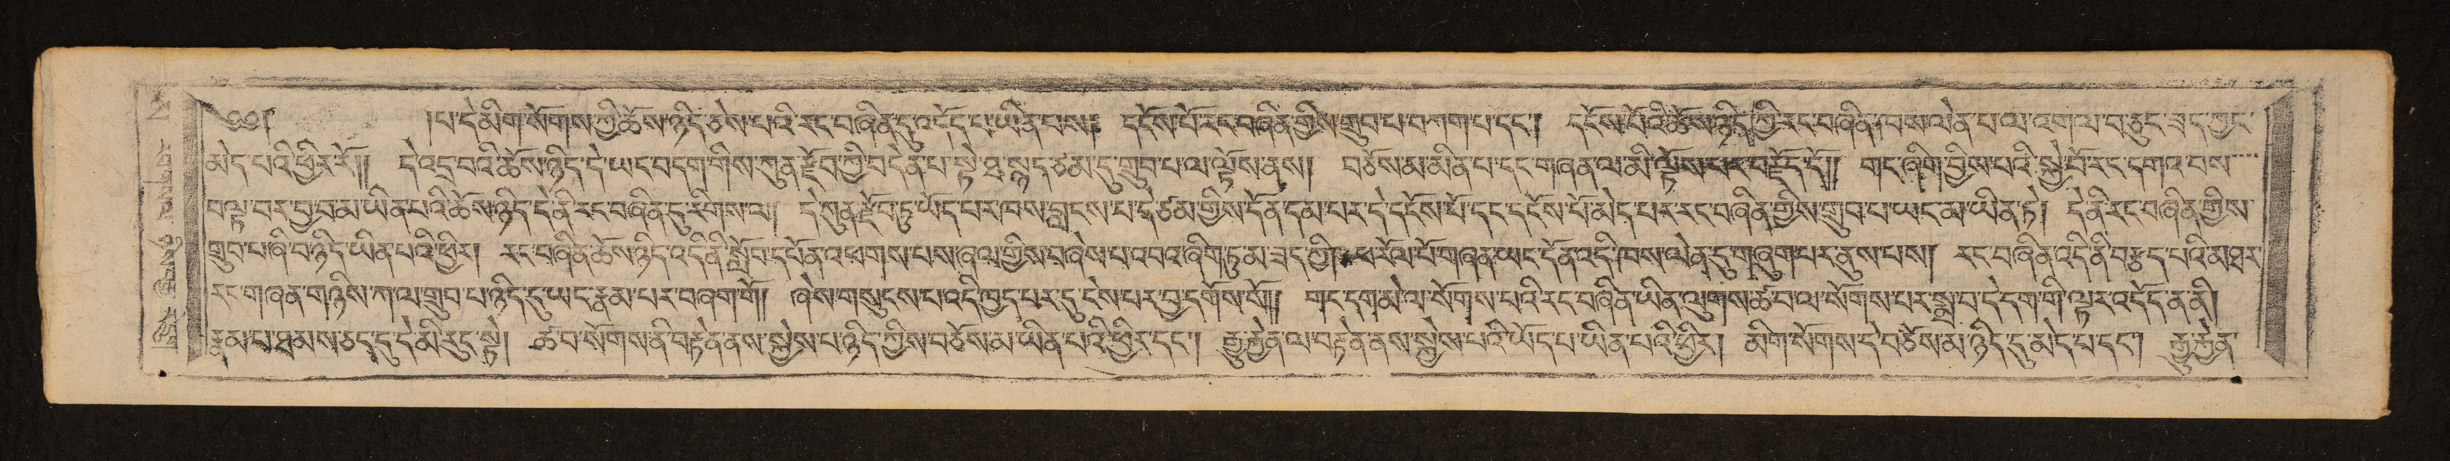༄༅། །པ་དེ་མིག་སོགས་ཀྱི་ཆོས་ཉིད་ཅེས་པའི་རང་བཞིན་དུ་འདོད་པ་ཡིན་པས། དངོས་པོ་རང་བཞིན་གྱིས་གྲུབ་པ་བཀག་པ་དང་། དངོས་པོའི་ཆོས་ཉིད་ཀྱི་རང་བཞིན་ཁས་ལེན་པ་ལ་འགལ་བ་ཅུང་ཟད་ཀྱང་
མེད་པའི་ཕྱིར་རོ།། དེ་འདྲ་བའི་ཆོས་ཉིད་དེ་ཡང་བདག་གིས་ཀུན་རྫོབ་ཀྱི་བདེན་པ་སྟེ་ཐ་སྙད་ཙམ་དུ་གྲུབ་པ་ལ་ལྟོས་ནས། བཅོས་མ་མིན་པ་དང་གཞན་ལ་མི་ལྟོས་པར་བརྗོད་དོ།། གང་ཞིག་བྱིས་པའི་སྐྱེ་བོ་རང་དགའ་བས་
བལྟ་བར་བྱ་བ་མ་ཡིན་པའི་ཆོས་ཉིད་དེ་ནི་རང་བཞིན་དུ་རིགས་ལ། དེ་ཀུན་རྫོབ་ཏུ་ཡོད་པར་ཁས་བླངས་པ་དེ་ཙམ་གྱིས་དོན་དམ་པར་དེ་དངོས་པོ་དང་དངོས་པོ་མེད་པར་རང་བཞིན་གྱིས་གྲུབ་པ་ཡང་མ་ཡིན་ཏེ། དེ་ནི་རང་བཞིན་གྱིས་
གྲུབ་པ་ཞི་བ་ཉིད་ཡིན་པའི་ཕྱིར། རང་བཞིན་ཆོས་ཉིད་འདི་ནི་སློབ་དཔོན་འཕགས་པས་ཞལ་གྱིས་བཞེས་པ་འབའ་ཞིག་ཏུ་མ་ཟད་ཀྱི། ཕ་རོལ་པོ་གཞན་ཡང་དོན་འདི་ཁས་ལེན་དུ་གཞུག་པར་ནུས་པས། རང་བཞིན་འདི་ནི་བརྩད་པའི་མཐར་
རང་གཞན་གཉིས་ཀ་ལ་གྲུབ་པ་ཉིད་དུ་ཡང་རྣམ་པར་བཞག་གོ། ཞེས་གསུངས་པ་འདི་ཁྱད་པར་དུ་ངེས་པར་བྱ་དགོས་སོ།། གང་དག་མེ་ལ་སོགས་པའི་རང་བཞིན་ཡིན་ལུགས་ཚ་བ་ལ་སོགས་པར་སྨྲ་བ་དེ་དག་གི་ལྟར་འདོད་ན་ནི།
རྣམ་པ་ཐམས་ཅད་དུ་དེ་མི་རུང་སྟེ། ཚ་བ་སོགས་ནི་བརྟེན་ནས་སྐྱེས་པ་ཉིད་ཀྱིས་བཅོས་མ་ཡིན་པའི་ཕྱིར་དང་། རྒྱུ་རྐྱེན་ལ་བརྟེན་ནས་སྐྱེས་པའི་ཡོད་པ་ཡིན་པའི་ཕྱིར། མིག་སོགས་དེ་བཅོས་མ་ཉིད་དུ་མེད་པ་དང་། རྒྱུ་རྐྱེན་